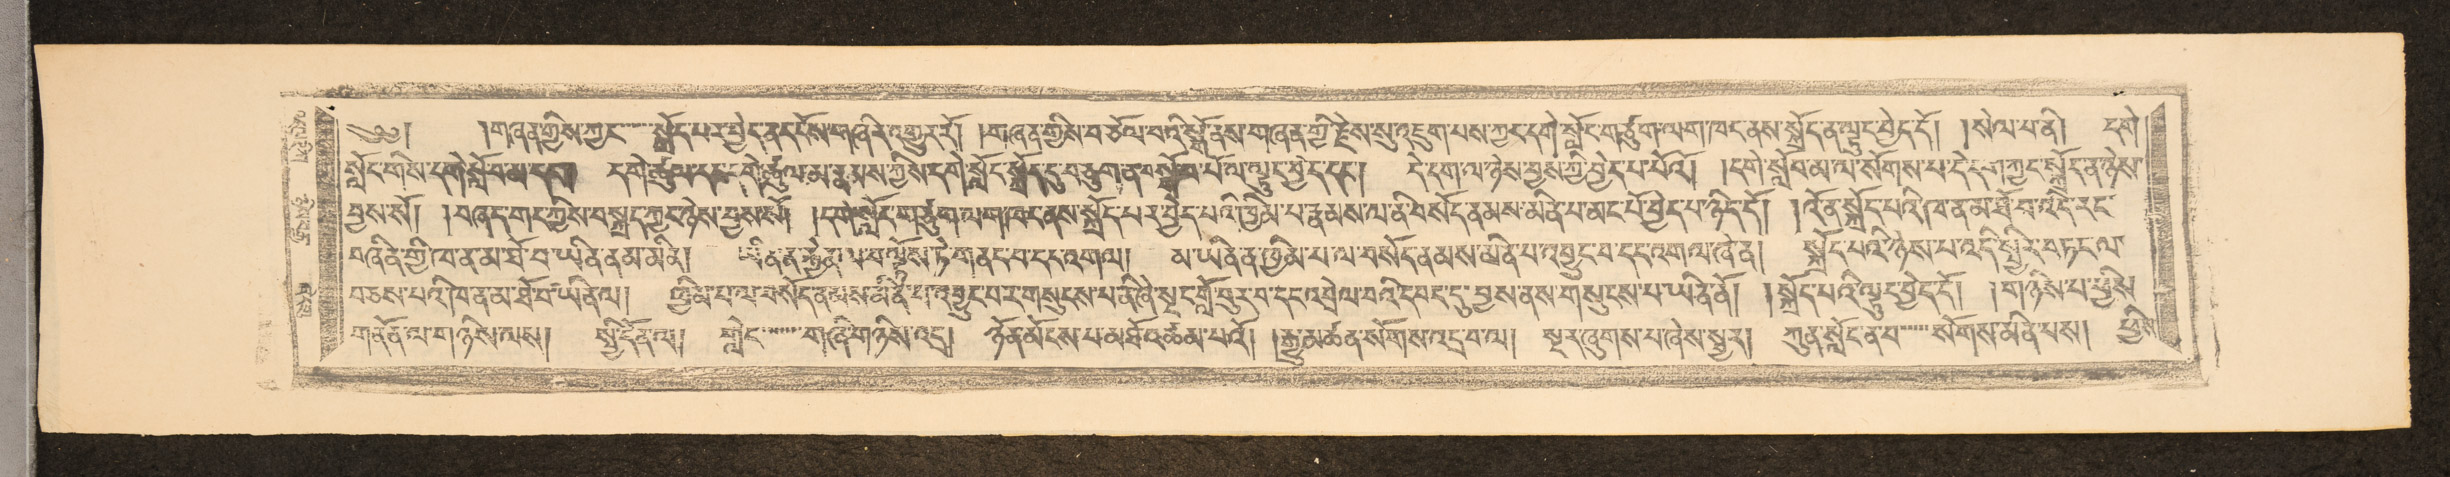༄༅། །གཞན་གྱིས་ཀྱང་སྐྲོད་པར་བྱེད་ན་དངོས་གཞིར་འགྱུར་རོ། །གཞན་གྱིས་བཅོལ་བའི་སྒོ་ནས་གཞན་གྱི་རྗེས་སུ་འཇུག་པས་ཀྱང་དགེ་སློང་གཙུག་ལག་ཁང་ནས་སྐྲོད་ན་ལྟུང་བྱེད་དོ། །སེལ་བ་ནི། དགེ་
སློང་གིས་དགེ་སློབ་མ་དང་། དགེ་ཚུལ་དང་དགེ་ཚུལ་མ་རྣམས་ཀྱིས་དགེ་སློང་སྐྲོད་དུ་བཅུག་ན་བསྒོ་བ་པོ་ལ་ལྟུང་བྱེད་དང་། དེ་དག་ལ་ཉེས་བྱས་ཀྱི་བྱེད་པ་བོའོ། །དགེ་སློབ་མ་ལ་སོགས་པ་དེ་དག་ཀྱང་སྐྲོད་ན་ཉེས་
བྱས་སོ། །བཞད་གད་ཀྱིས་བསྐྲད་ཀྱང་ཉེས་བྱས་སོ། །དགེ་སློང་གཙུག་ལག་ཁང་ནས་སྐྲོད་པར་བྱེད་པའི་ཁྱིམ་པ་རྣམས་ལ་ནི་བསོད་ནམས་མིན་བ་མང་པོ་བྱེད་པ་ཉིད་དོ། །འོ་ན་སྐྲོད་པའི་ཁ་ན་མ་ཐོ་པ་འདི་རང་
བཞིན་གྱི་ཁ་ན་མ་ཐོ་བ་ཡིན་ནམ་མིན། ཡིན་ན་རྐྱེན་ལ་བལྟོས་ཏེ་གནང་བ་དང་འགལ། མ་ཡིན་ན་ཁྱིམ་པ་ལ་བསོད་ནམས་མིན་པ་འབྱུང་བ་དང་འགལ་ཞེ་ན། སྐྲོད་པའི་ཉེས་པ་འདི་སྤྱིར་བཏང་ལ་
བཅས་པའི་ཁ་ན་མ་ཐོ་བ་ཡིན་ལ། ཁྱིམ་པ་ལ་བསོད་ནམས་མིན་པ་འབྱུང་བར་གསུངས་པ་ནི་ཞེ་སྡང་གློ་བུར་བ་དང་འབྲེལ་བའི་དབང་དུ་བྱས་ནས་གསུངས་པ་ཡིན་ནོ། །སྐྲོད་པའི་ལྟུང་བྱེད་དོ། །གཉིས་པ་ཕྱིས་
གནོན་ལ་གཉིས་ལས། སྤྱི་དོན་ལ། གླེང་གཞི་གཉིས་འདྲ། ཉོན་མོངས་པ་མཐོ་འཚམ་པའོ། །རྒྱུ་མཚན་སོགས་འདྲ་བ་ལ། སྔར་ཞུགས་པ་ཞེས་སྦྱར། ཀུན་སློང་ན་པ་སོགས་མིན་པས། ཕྱིས་